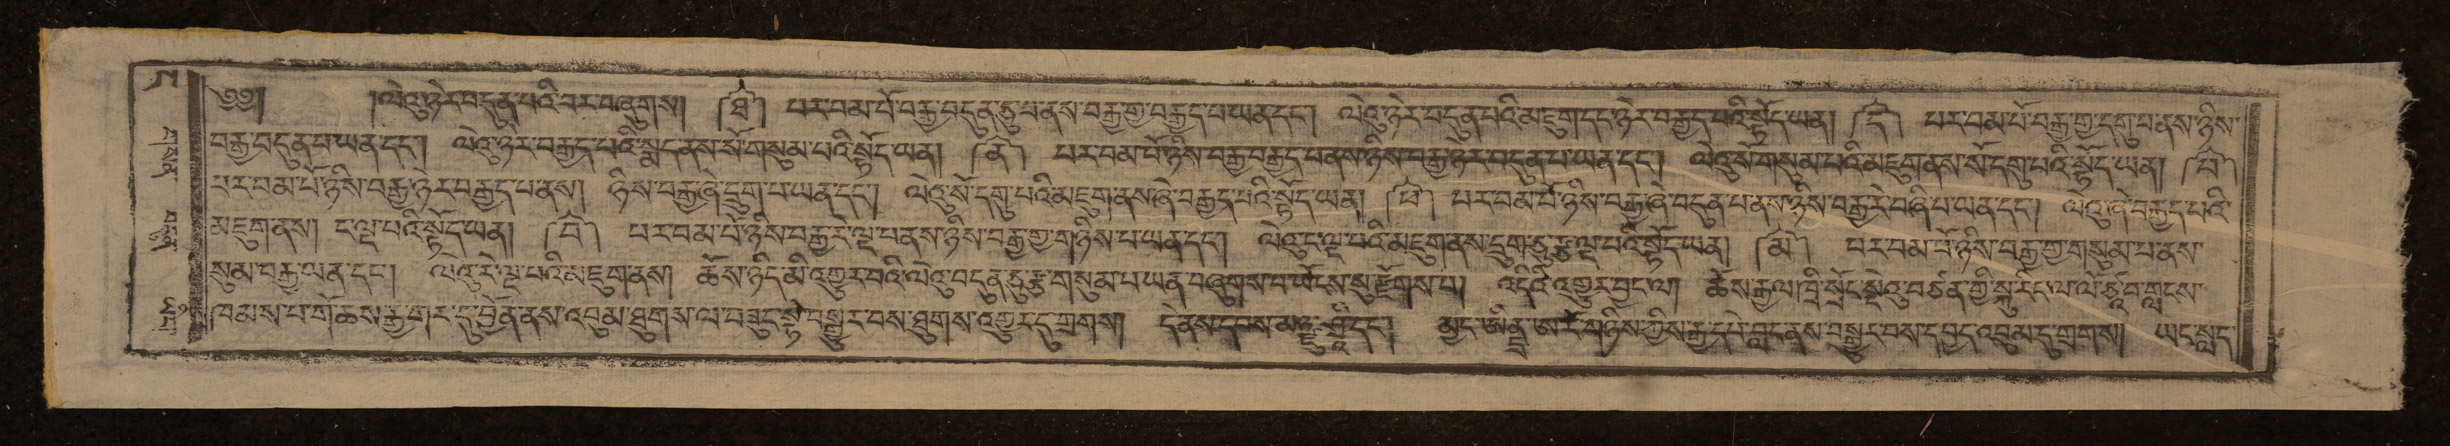༄༅། །ལེའུ་ཉེར་བདུན་པའི་བར་བཞུགས། {ཐ}་བར་བམ་པོ་བརྒྱ་བདུན་ཅུ་བ་ནས་བརྒྱ་གྱ་བརྒྱད་པ་ཡན་དང་། ལེའུ་ཉེར་བདུན་པའི་མཇུག་དང་ཉེར་བརྒྱད་པའི་སྟོད་ཡན། {ད}་བར་བམ་པོ་བརྒྱ་གྱ་དགུ་པ་ནས་ཉིས་
བརྒྱ་བདུན་པ་ཡན་དང་། ལེའུ་ཉེར་བརྒྱད་པའི་སྨད་ནས་སོ་གསུམ་པའི་སྟོད་ཡན། {ན}་པར་བམ་པོ་ཉིས་བརྒྱ་བརྒྱད་པ་ནས་ཉིས་བརྒྱ་ཉེར་བདུན་པ་ཡན་དང་། ལེའུ་སོ་གསུམ་པའི་མཇུག་ནས་སོ་དགུ་པའི་སྟོད་ཡན། {པ}
པར་བམ་པོ་ཉིས་བརྒྱ་ཉེར་བརྒྱད་པ་ནས། ཉིས་བརྒྱ་ཞེ་དྲུག་པ་ཡན་དང་། ལེའུ་སོ་དགུ་པའི་མཇུག་ནས་ཞེ་བརྒྱད་པའི་སྟོད་ཡན། {ཕ}་པར་བམ་པོ་ཉིས་བརྒྱ་ཞེ་བདུན་པ་ནས་ཉིས་བརྒྱ་རེ་བཞི་བ་ཡན་དང་། ལེའུ་ཞེ་བརྒྱད་པའི་
མཇུག་ནས། ད་ལྔ་པའི་སྟོད་ཡན། {བ}་བར་བམ་པོ་ཉིས་བརྒྱ་རེ་ལྔ་པ་ནས་ཉིས་བརྒྱ་གྱ་གཉིས་པ་ཡན་དང་། ལེའུ་པ་ལྔ་པའི་མཇུག་ནས་དྲུག་ཅུ་རྩ་ལྔ་པའི་སྟོད་ཡན། {མ}་པར་བམ་པོ་ཉིས་བརྒྱ་གྱ་གསུམ་པ་ནས་
སུམ་བརྒྱ་ཡན་དང་། ལེའུ་རེ་ལྔ་པའི་མཇུག་ནས། ཆོས་ཉིད་མི་འགྱུར་པའི་ལེའུ་བདུན་ཅུ་རྩ་གསུམ་པ་ཡན་བཞུགས་པ་ཡོངས་སུ་རྫོགས་པ། འདིའི་འགྱུར་བྱང་ལ། ཆོས་རྒྱལ་ཁྲི་སྲོང་སྡེའུ་བཙན་གྱི་སྐུ་རིང་ལ་ལོ་ཙཱ་བ་གླངས་
ཁམས་པ་གོ་ཆས་རྒྱ་གར་དུ་བྱོན་ནས་འབུམ་ཐུགས་ལ་བཟུང་སྟེ་བསྒྱུར་པས་ཐུགས་འགྱུར་དུ་གྲགས། དེ་ནས་དབས་མཉྫུ་ཤྲའི་དང་། མྱང་ཨིནྡྲ་ཨ་རོ་གཉིས་ཀྱིས་རྒྱ་དཔེ་བླང་ནས་བསྒྱུར་བས་དབྱད་འབུམ་དུ་གྲགས། ཡང་སླད་